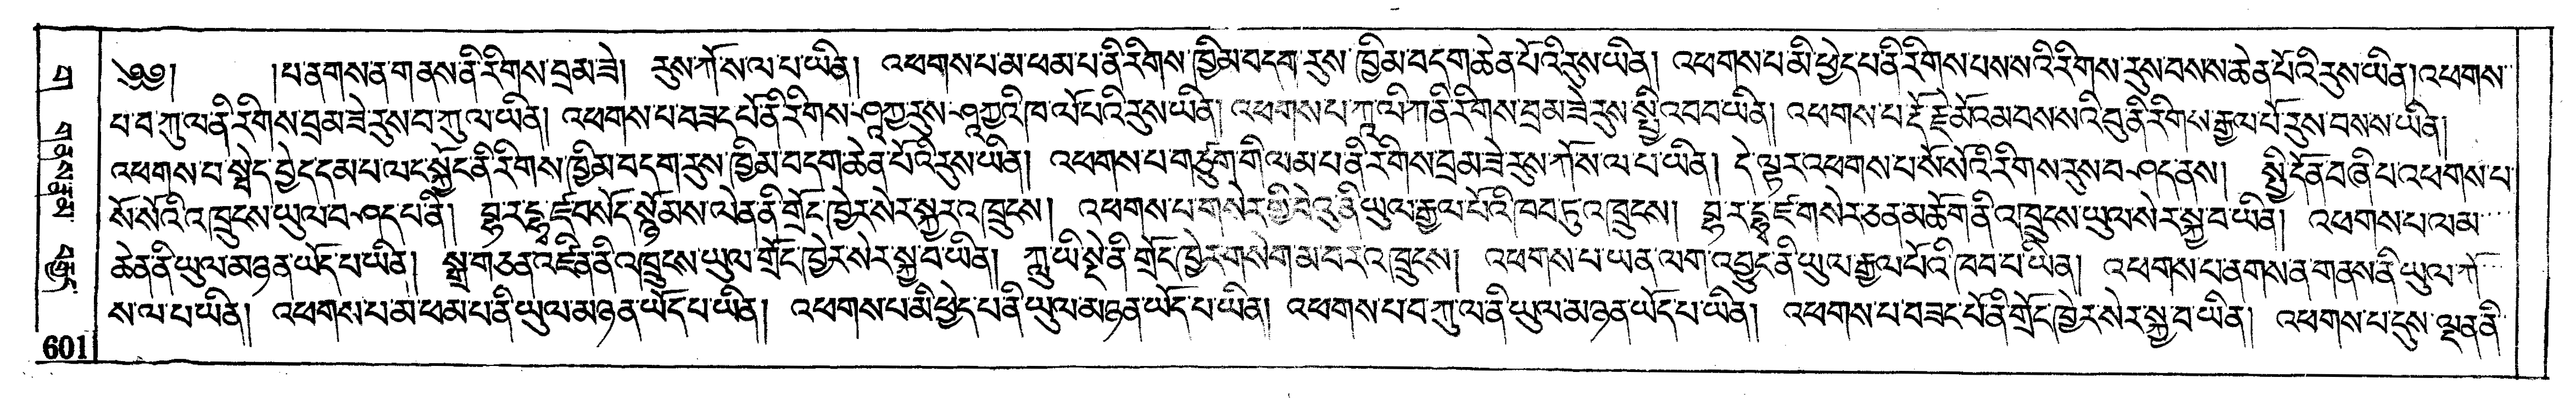༄༅། །པ་ནགས་ན་གནས་ནི་རིགས་བྲམ་ཟེ། རུས་ཀོ་ས་ལ་པ་ཡིན། འཕགས་བ་མ་ཕམ་པ་ནི་རིགས་ཁྱིམ་བདག་རུས་ཁྱིམ་བདག་ཆེན་པོའི་རུས་ཡིན། འཕགས་པ་མི་ཕྱེད་པ་ནི་རིགས་པས་སའི་རིགས་རུས་བས་ས་ཆེན་པོའི་རུས་ཡིན། འཕགས་
པ་བ་ཀུ་ལ་ནི་རིགས་བྲམ་ཟེ་རུས་བ་ཀུ་ལ་ཡིན། འཕགས་པ་བཟང་པོ་ནི་རིགས་ཤཱཀྱ་རུས་ཤཱཀྱའི་ཁ་ལོ་པའི་རུས་ཡིན། འཕགས་པ་ཀཱ་ལི་ཀ་ནི་རིགས་བྲམ་ཟེ་རུས་སྤྱི་འབབ་ཡིན། འཕགས་པ་རྡོ་རྗེ་མོའམ་བས་སའི་བུ་ནི་རིགས་རྒྱལ་པོ་རུས་བས་ས་ཡིན།
འཕགས་པ་སྦེད་བྱེད་དམ་པ་ལང་སྐྱོང་ནི་རིགས་ཁྱིམ་བདག་རུས་ཁྱིམ་བདག་ཆེན་པོའི་རུས་ཡིན། འཕགས་པ་གཙུག་གི་ལམ་པ་ནི་རིགས་བྲམ་ཟེ་རུས་ཀོ་ས་ལ་པ་ཡིན། དེ་ལྟར་འཕགས་བ་སོ་སོའི་རིགས་རུས་བཤད་ནས། སྤྱི་དོན་བཞི་བ་འཕགས་པ་
སོ་སོའི་འཁྲུངས་ཡུལ་བཤད་པ་ནི། བྷ་ར་དྷྭ་ཛ་བསོད་སྙོམས་ལེན་ནི་གྲོང་ཁྱེར་སེར་སྐྱར་འཁྲུངས། འཕགས་བ་གསེར་གྱི་བེའུ་ནི་ཡུལ་རྒྱལ་པོའི་ཁབ་ཏུ་འཁྲུངས། བྷ་ར་དྷྭ་ཛ་གསེར་ཅན་མཆོག་ནི་འཁྲུངས་ཡུལ་སེར་སྐྱ་བ་ཡིན། འཕགས་པ་ལམ་
ཆེན་ནི་ཡུལ་མཉན་ཡོད་པ་ཡིན། སྒྲ་གཅན་འཛིན་ནི་འཁྲུངས་ཡུལ་གྲོང་ཁྱེར་སེར་སྐྱ་བ་ཡིན། ཀླུ་ཡི་སྡེ་ནི་གྲོང་ཁྱེར་གསེག་མ་བར་འཁྲུངས། འཕགས་པ་ཡན་ལག་འབྱུང་ནི་ཡུལ་རྒྱལ་པོའི་ཁབ་པ་ཡིན། འཕགས་པ་ནགས་ན་གནས་ནི་ཡུལ་ཀོ་
ས་ལ་པ་ཡིན། འཕགས་པ་མ་ཕམ་པ་ནི་ཡུལ་མཉན་ཡོད་པ་ཡིན། འཕགས་པ་མི་ཕྱེད་པ་ནི་ཡུལ་མཉན་ཡོད་པ་ཡིན། འཕགས་པ་བ་ཀུ་ལ་ནི་ཡུལ་མཉན་ཡོད་པ་ཡིན། འཕགས་པ་བཟང་པོ་ནི་གྲོང་ཁྱེར་སེར་སྐྱ་བ་ཡིན། འཕགས་པ་དུས་ལྡན་ནི་